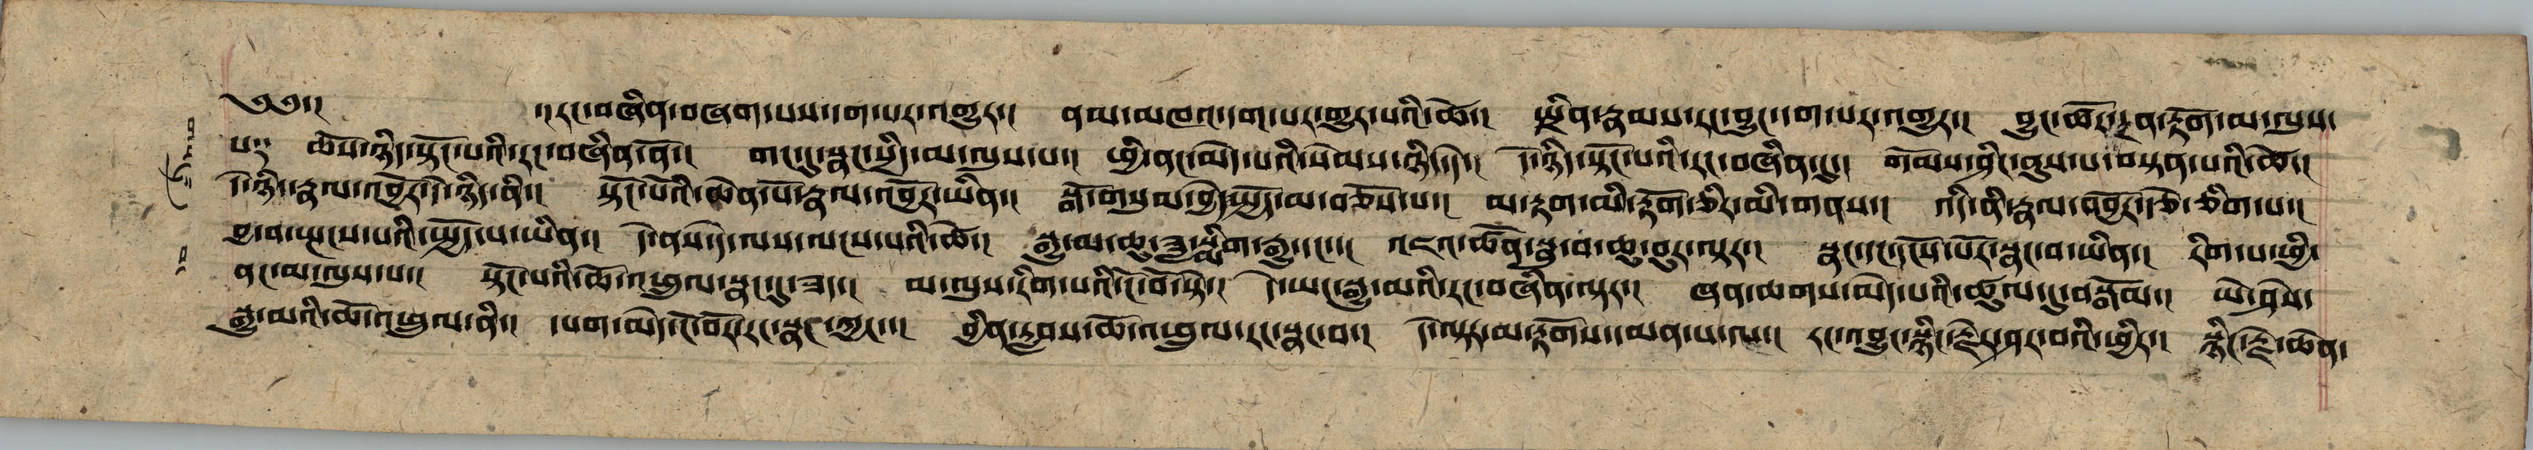༄༅་། ་།རང་བཞིན་བཞག་པས་དག་པར་འགྱུར་། ནམ་མཁའ་དག་པར་གྱུར་པའི་ཚེ་། སྤྲིན་རྣམས་རང་བྱུང་དག་པར་འགྱུར་། བྱུང་ཚོར་དྲན་རྟོག་མ་ལུས་
པ༑ ཆོས་ཉིད་སྟོང་པའི་རང་བཞིན་ནོ་། གང་དུ་སྣད་སྲིད་མ་ལུས་པ་། ཕྱི་ནང་མེད་པའི་སེམས་ཉིད་དེ་། དེ་ཉིད་སྟོང་པའི་རང་བཞིན་དུ་། གོམས་ཤིང་ནུས་པ་བསྟན་པའི་ཚེ།
དེ་ཉིད་རྣལ་འབྱོར་དེ་ཉིད་ནི་། སྟོང་པོའི་ཆེན་པོ་རྣལ་འབྱོར་ཡིན་། སྒོ་གསུམ་བྱེདསྤྱོད་མ་བཅོས་པ་། མ་རྟག་མི་རྟོག་ཅིར་མི་གནས་། འདི་ནི་རྣལ་འབྱོར་རྩེ་ཅིག་པ་།
བྱ་བ་སྤངས་པའི་སྤྱོད་པ་ཡིན་། དེ་ནས་དེ་ལས་ལངས་པའི་ཚེ་། སྒྱུ་མ་ཆུ་ཟླ་སྨིག་རྒྱུ་དང་་། འཇའ་ཚོན་སྦུ་བ་ཆུ་བུར་ལྟར་། སྣང་དང་དངོས་པོར་སྣང་བ་ཡིན་། རིག་པ་ཕྱི་
ནང་མ་ལུས་པ་། སྟོང་པའི་ཆོ་འཕྲུལ་སྣང་དུ་ཟད་། མ་ལུས་རིག་པའི་ངོ་བོ་སྟེ་། དེ་ཡང་སྒྱུ་མའི་རང་བཞིན་ལྟར་། ཞན་ཆགས་མེད་པའི་ཚུལ་དུ་བསྒོམ་། ཡེ་ཤེས་
སྒྱུ་མའི་ཆོ་འཕྲུལ་ནི་། དཔག་མེད་ངོ་བོར་རང་སྣང་ཀྱང་་། བྱིན་རླབས་ཆོ་འཕྲུལ་རང་སྣང་བ་། དེ་ལྟར་མ་རྟོགས་དམན་པ་ལ་། རང་འབྱུང་སྙིང་རྗེར་ཤར་བའི་ཕྱིར་། སྙིང་རྗེ་ཆེན་